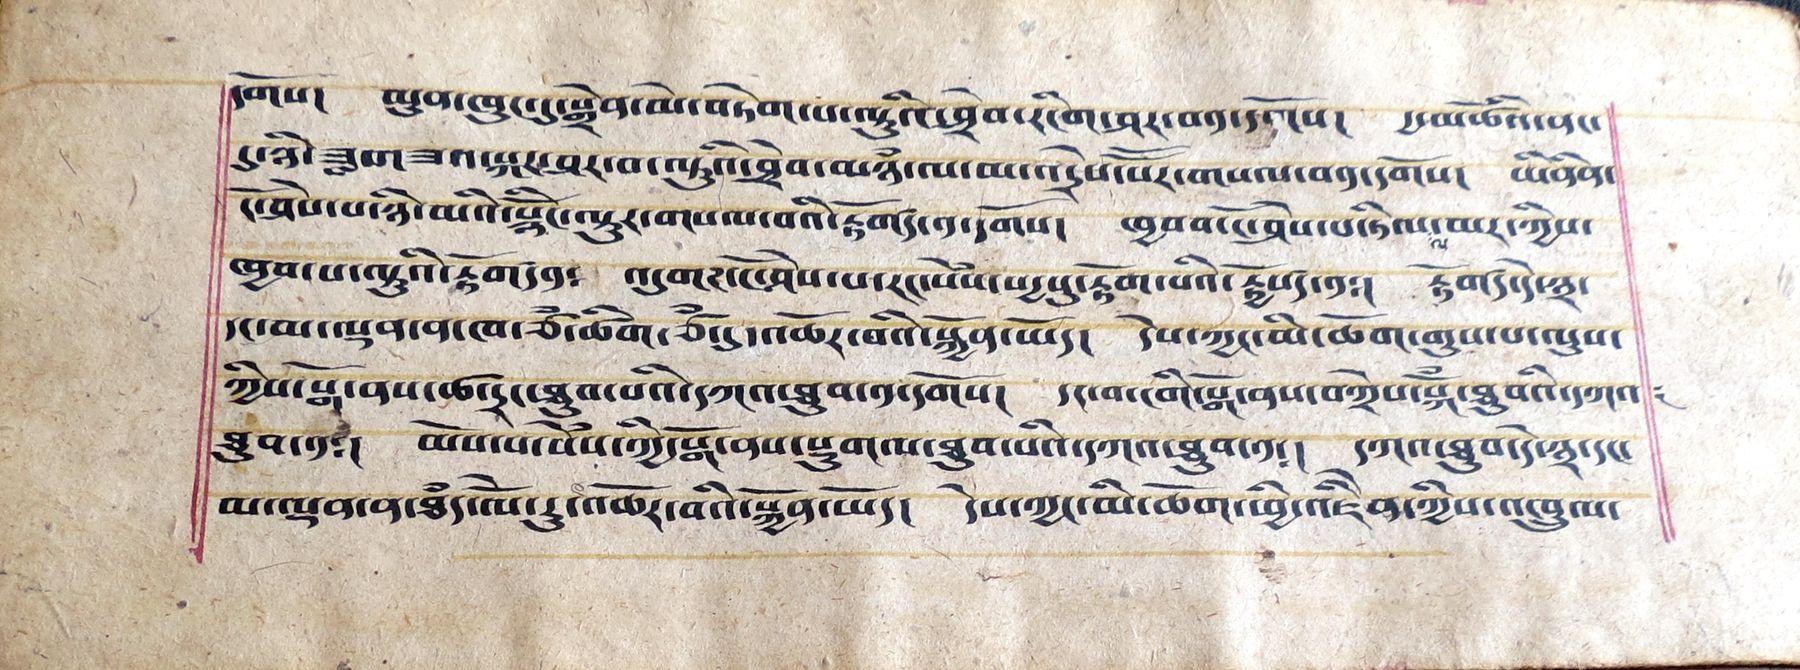དགོས། མུན་ཁུང་དུ་སྒྲོན་མེ་བཏེགས་པ་ལྟ་བུའི་ཤེས་རབ་རང་རིག་ཁོང་ནས་ཤར་བ་ཞིག་དགོས། རྒྱ་མཚོའི་ནང་
དུ་ཉི་ཟླ་གཟའ་སྐར་འཆར་བ་ལྟ་བུའི་ཤེས་རབ་མཉམ་ལ་མ་འདྲེས་སོ་སོར་གསལ་བ་ཞིག་དགོས། ཡིན་
ངོ་ཤེས་པ་ཉི་མའི་སྙིང་པོ་ལྟར་གསལ་བའི་རྟོགས་ཚད་ཅིག་དགོས། ཁྱབ་ཁྱབ་ཏིལ་ལ་མར་གྱིས་
ཁྱབ་པ་ལྟ་བུའི་རྟོགས་ཚད་ཅིག་དགོས། འདུག་འདུག་ངོ་ཤེས་པ་རང་སེམས་སངས་རྒྱས་སུ་རྟོགས་པའི་རྟོགས་ཚད་ཅིག་དགོས། རྟོགས་ཚད་དེ་གསུམ་
དང་མ་ལྡན་ན་ཁ་ཙམ་ཚིག་ཙམ་དུ་འཆོར་བ་ཡིན། དེས་ཀྱང་མི་ཆོག་གུས་པ་ལུས་
ཀྱི་སྒོ་ནས་ཚ་གྲང་ཐུབ་པའི་དཀའ་ཐུབ་ཅིག་དགོས། དྭངས་པ་ངག་གི་སྒོ་ནས་བཀྲེས་སྐོམ་ཐུབ་པའི་དཀའ་
ཐུབ་ཅིག་དགོས། མོས་པ་སེམས་ཀྱི་སྒོ་ནས་སྡུག་བསྔལ་ཐུབ་པའི་དཀའ་ཐུབ་པ་ཅིག་དགོས། དཀའ་ཐུབ་དེ་གསུམ་དང་
མ་ལྡན་ནས། ཐམས་ཅད་ལེ་ལོ་རུ་འཆོར་བའི་སྐྱོན་ཡོད། དེས་ཀྱང་མི་ཆོག ཕྱི་འཇིག་རྟེན་གྱི་འཁྲུལ་